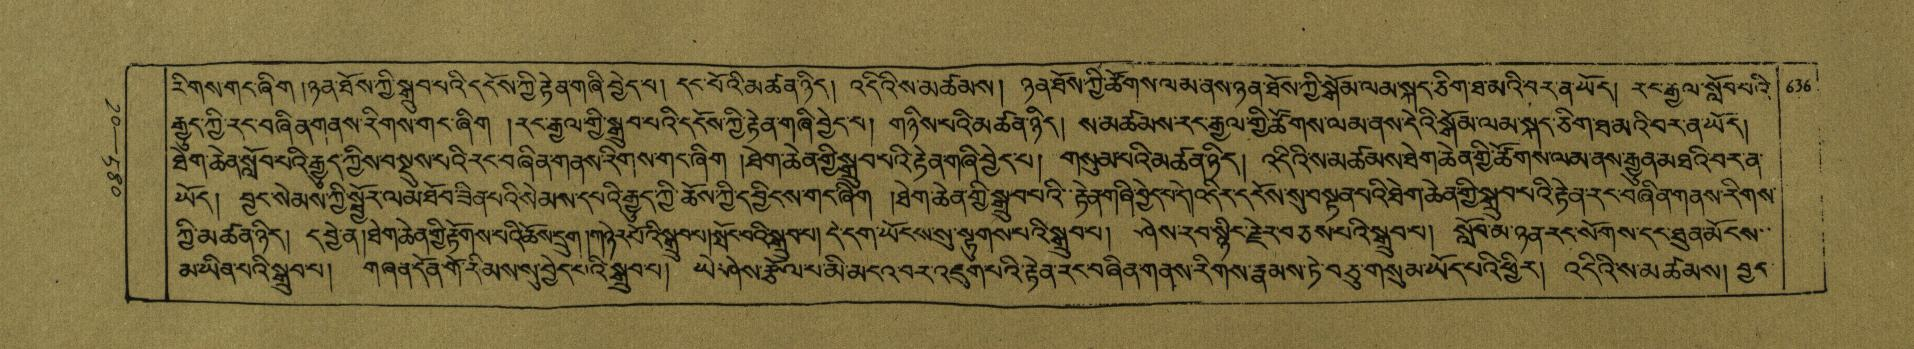རིགས་གང་ཞིག །ཉན་ཐོས་ཀྱི་སྒྲུབ་པའི་དངོས་ཀྱི་རྟེན་གཞི་བྱེད་པ། དང་པོའི་མཚན་ཉིད། འདིའི་ས་མཚམས། ཉན་ཐོས་ཀྱི་ཚོགས་ལམ་ནས་ཉན་ཐོས་ཀྱི་སྒོམ་ལམ་སྐད་ཅིག་ཐ་མའི་བར་ན་ཡོད། རང་རྒྱལ་སློབ་པའི་
རྒྱུད་ཀྱི་རང་བཞིན་གནས་རིགས་གང་ཞིག །རང་རྒྱལ་གྱི་སྒྲུབ་པའི་དངོས་ཀྱི་རྟེན་གཞི་བྱེད་པ། གཉིས་པའི་མཚན་ཉིད། ས་མཚམས་རང་རྒྱལ་གྱི་ཚོགས་ལམ་ནས་དེའི་སྒོམ་ལམ་སྐད་ཅིག་ཐ་མའི་བར་ན་ཡོད།
ཐེག་ཆེན་སློབ་པའི་རྒྱུད་ཀྱིས་བསྡུས་པའི་རང་བཞིན་གནས་རིགས་གང་ཞིག །ཐེག་ཆེན་གྱི་སྒྲུབ་པའི་རྟེན་གཞི་བྱེད་པ། གསུམ་པའི་མཚན་ཉིད། འདིའི་ས་མཚམས་ཐེག་ཆེན་གྱི་ཚོགས་ལམ་ནས་རྒྱུན་མཐའི་བར་ན་
ཡོད། བྱང་སེམས་ཀྱི་སྦྱོར་ལམ་ཐོབ་ཟིན་པའི་སེམས་དཔའི་རྒྱུད་ཀྱི་ཆོས་ཀྱི་དབྱིངས་གང་ཞིག །ཐེག་ཆེན་གྱི་སྒྲུབ་པའི་རྟེན་གཞི་བྱེད་པ་དེ། འདིར་དངོས་སུ་བསྟན་པའི་ཐེག་ཆེན་གྱི་སྒྲུབ་པའི་རྟེན་རང་བཞིན་གནས་རིགས་
ཀྱི་མཚན་ཉིད། དབྱེ་ན། ཐེག་ཆེན་གྱི་རྟོགས་པའི་ཆོས་དྲུག །གཉེར་པོའི་སྒྲུབ་པ། སྤོང་བའི་སྒྲུབ་པ། དེ་དག་ཡོངས་སུ་སྟུགས་པའི་སྒྲུབ་པ། ཤེས་རབ་སྙིང་རྗེར་བཅས་པའི་སྒྲུབ་པ། སློབ་མ་ཉན་རང་སོགས་དང་ཐུན་མོངས་
མ་ཡིན་པའི་སྒྲུབ་པ། གཞན་དོན་གོ་རིམས་སུ་བྱེད་པའི་སྒྲུབ་པ། ཡེ་ཤེས་རྩོལ་པ་མི་མངའ་བར་འཇུག་པའི་རྟེན་རང་བཞིན་གནས་རིགས་རྣམས་ཏེ་བཅུ་གསུམ་ཡོད་པའི་ཕྱིར། འདིའི་ས་མཚམས། བྱང་